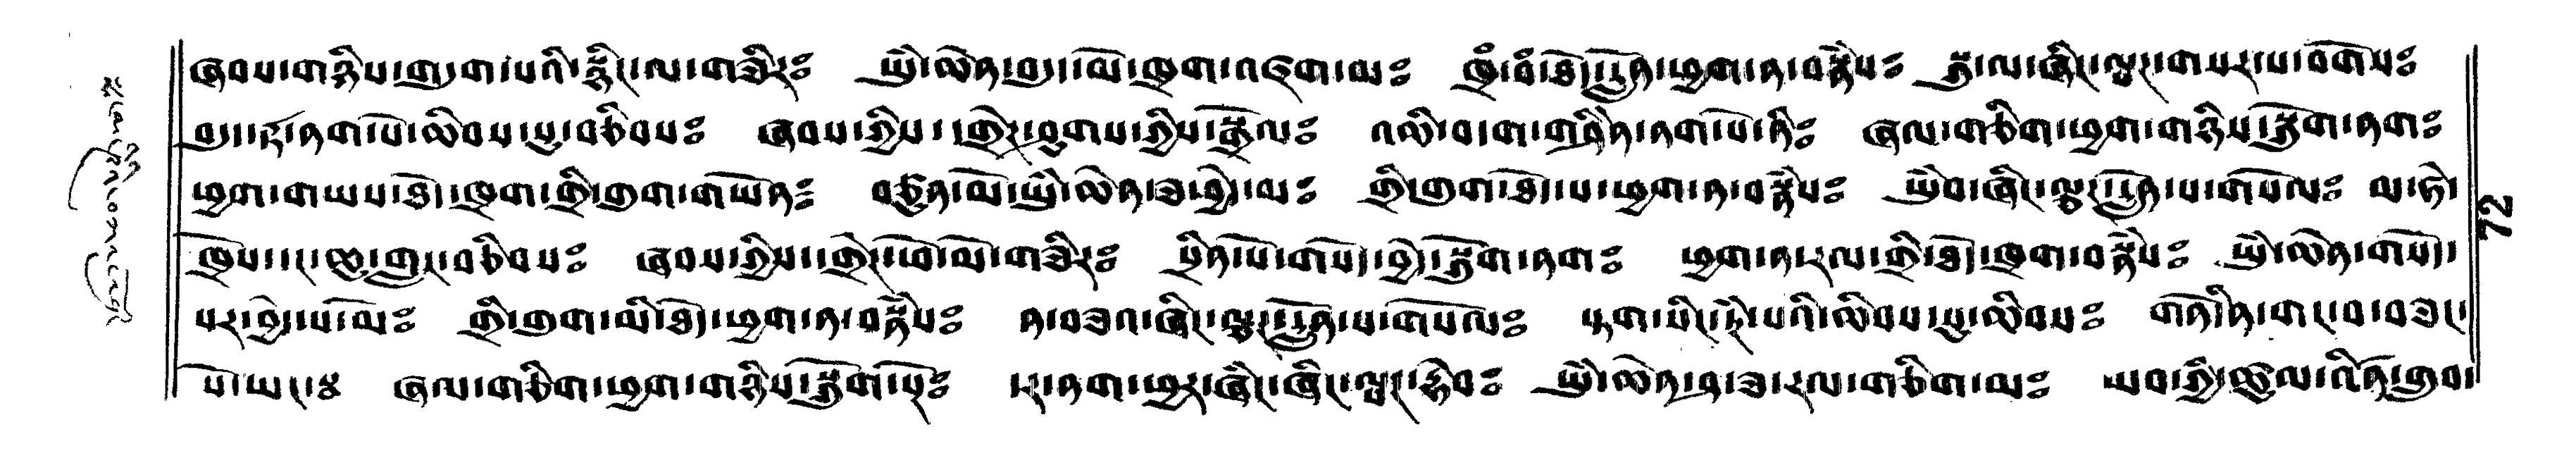ཞབས་གཉིས་གདུག་པའི་སྙིང་ལ་གཟིརཿ ཡུམ་ཆེན་བདུད་མོ་ཁྲག་འཛག་མཿ ཁྲཾ་བཾ་ཐོད་རློན་ཕྱག་ན་བསྣམསཿ སྐུ་ལ་ཞིང་ལྤགས་གསར་པ་བགོསཿ 
བདུད་རྟ་ནག་པོ་ཆིབས་སུ་བཅིབསཿ ཞབས་ཀྱིས་དགྲ་བགེགས་ཤུགས་ཀྱིས་སྒྲོལཿ འཆི་བདག་གཤིན་རྗེ་ནག་པོ་ནིཿ ཞལ་གཅིག་ཕྱག་གཉིས་སྐུ་མདོག་ནགཿ 
ཕྱག་གཡས་ཐོད་ཁྲག་གྲི་གུག་གཡོན༔ བཙུན་མོ་ཡུམ་ཆེན་ཟ་བྱེད་མཿ གྲི་གུག་ཐོད་པ་ཕྱག་ན་བསྣམསཿ ཡབ་ཡུམ་ཞིང་ལྤགས་རློན་པ་གསོལཿ མ་ཧེ་
ཁྲོས་དང་ཆུ་གླང་བཅིབསཿ ཞབས་ཀྱིས་དགྲ་བགེགས་ཕོ་མོ་གཟིརཿ སྲིན་པོ་གསོད་བྱེད་སྐུ་མདོག་ནགཿཕྱག་ན་རལ་གྲི་ཐོད་ཁྲག་བསྣམསཿ ཡུམ་ཆེན་གསོད་
པར་བྱེད་པ་མོཿ གྲི་གུག་མི་ཐོད་ཕྱག་ན་བསྣམསཿ ན་བཟའ་ཞིང་ལྤགས་རློན་པ་གསོལཿ སྟག་སིང་རྔམ་པའི་ཆིབས་སུ་བཅིབས༔ གནོད་སྦྱིན་གང་བ་བཟང་
པོ་ཡང་ཿ ཞལ་གཅིག་ཕྱག་གཉིས་སྐུ་མདོག་སྔོཿ དར་ནག་ཕྱར་ཞིང་ཞིང་ལྤགས་རྡེབཿ ཡུམ་ཆེན་ཤ་ཟ་རལ་གཅིག་མཿ ཡབ་ཀྱི་ཚུལ་འཛིན་གྲུབ་